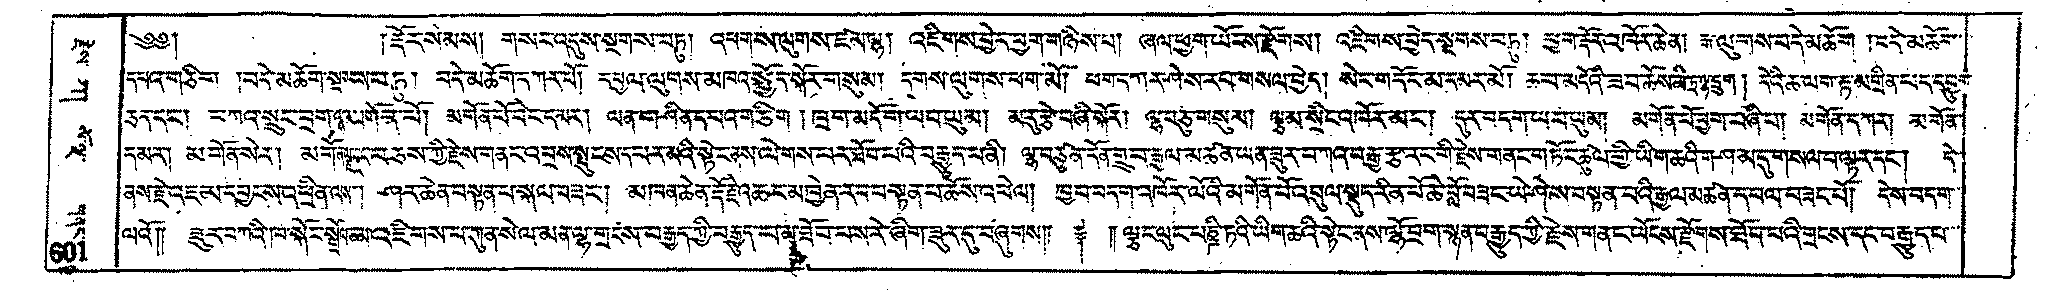༄༅། །རྡོར་སེམས། གསང་འདུས་སྔགས་བཏུ། འཕགས་ལུགས་ཛམ་ལྷ། འཇིགས་བྱེད་ཕྱག་གཉིས་པ། ཞལ་ཕྱག་ཡོངས་རྫོགས། འཇིགས་བྱེད་སྔགས་བཏུ། ཕྱག་རྡོར་འཁོར་ཆེན། རྒ་ལུགས་བདེ་མཆོག །བདེ་མཆོག་
དཔའ་གཅིག །བདེ་མཆོག་སྔགས་བཏུ། བདེ་མཆོག་དཀར་པོ། དཔྱལ་ལུགས་མཁའ་སྤྱོད་སྐོར་གསུམ། དྭགས་ལུགས་ཕག་མོ། ཕག་དཀར་ཤེས་རབ་གསལ་བྱེད། སེང་གདོང་མ་དམར་མོ། ཆབ་མདོའི་ཟབ་ཆོས་མི་ཏྲ་ལྷ་དྲུག །དེའི་ཆ་ལག་རྟ་མགྲིན་པད་དབྱུག་
ཅན་དང་། བཀའ་སྲུང་བྲག་ལྷ་མགོན་པོ། མགོན་པོ་བེང་དམར། ལན་གཤིན་དཔའ་གཅིག །ཁྲག་མདོག་ཡབ་ཡུམ། མ་རུ་རྩེ་བཞི་སྐོར། ལྷ་བཅུ་གསུམ། ལྕམ་སྲིང་འཁོར་མང་། དུར་བདག་ཡབ་ཡུམ། མགོན་པོ་ཕྱག་བཞི་པ། མགོན་དཀར། མགོན་
དམར། མགོན་སེར། མགོན་ལྗང་བཅས་ཀྱི་རྗེས་གནང་འབྲས་སྤུངས་དཔར་མའི་སྟེང་ནས་ལེགས་པར་ཐོབ་པའི་བརྒྱུད་པ་ནི། ལྷ་བཙུན་དོན་གྲུབ་རྒྱལ་མཚན་ཡན་ཟུར་བཀའ་བརྒྱ་རྩ་རང་གི་རྗེས་གནང་གཏོང་ཚུལ་གྱི་ཡིག་ཆའི་གཤམ་དུ་གསལ་བ་ལྟར་དང་། དེ་
ནས་རྗེ་འཇམ་དབྱངས་འཕྲིན་ལས། ཤར་ཆེན་བསྟན་པ་སྐལ་བཟང་། མཁན་ཆེན་རྡོ་རྗེ་འཆང་མཁྱེན་རབ་བསྟན་པ་ཆོས་འཕེལ། ཁྱབ་བདག་འཁོར་ལོའི་མགོན་པོ་འབུལ་སྡུད་རིན་པོ་ཆེ་བློ་བཟང་ཡེ་ཤེས་བསྟན་པའི་རྒྱལ་མཚན་དཔལ་བཟང་པོ། དེས་བདག་
ལའོ།། ཟུར་བཀའི་ཁ་སྐོང་སྒྲོལ་མ་འཇིགས་པ་ཀུན་སེལ་མན་ལྷ་གྲངས་བརྒྱད་ཀྱི་བརྒྱུད་པ་མ་ཐོབ་པས་རེ་ཞིག་ཟུར་དུ་བཞུགས།། འ་།།ལྕང་ལུང་པཎྜི་ཏའི་ཡིག་ཆའི་སྟེང་ནས་ལྷོ་བྲག་སྙན་བརྒྱུད་ཀྱི་རྗེས་གནང་ཡོངས་རྫོགས་ཐོབ་པའི་གྲངས་དང་བརྒྱུད་པ་